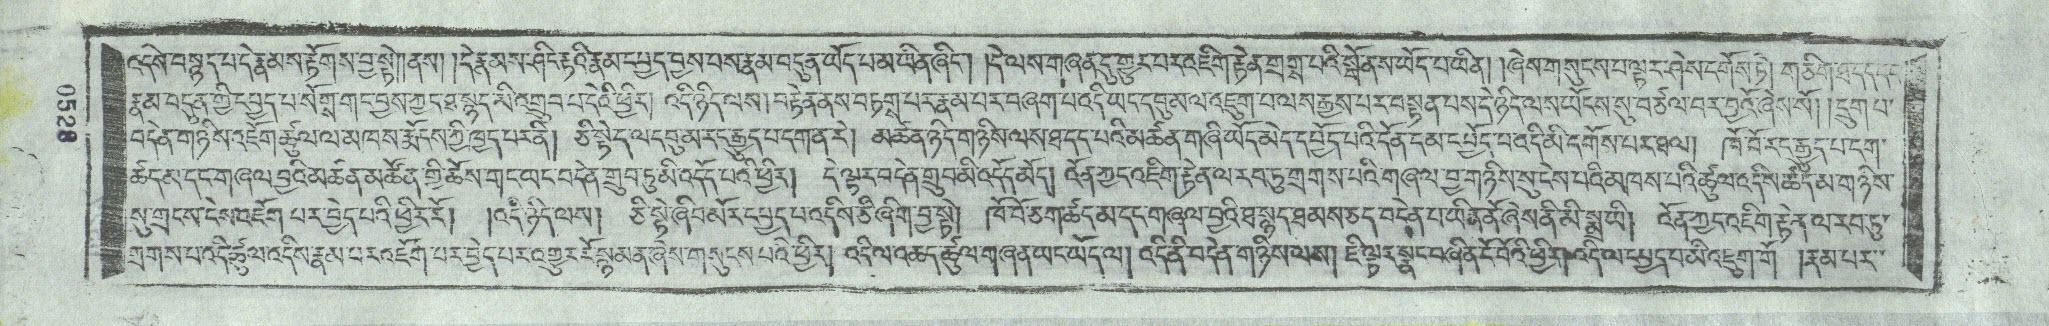འདིས་བསྙད་པ་དེ་རྣམས་རྟོགས་བྱ་སྟེ། །ནས། །དེ་རྣམས་ཤིང་རྟའི་རྣམ་དཔྱད་བྱས་པས་རྣམ་བདུན་ཡོད་པ་མ་ཡིན་ཞིང་། །དེ་ལས་གཞན་དུ་གྱུར་པར་འཇིག་རྟེན་གྲགས་པའི་སྒོ་ནས་ཡོད་པ་ཡིན། །ཞེས་གསུངས་པ་ལྟར་ཤེས་དགོས་ཏེ། གཅིག་ཐ་དད་དང་
རྣམ་བདུན་གྱི་དཔྱད་པ་སོགས་གང་བྱས་ཀྱང་ཐ་སྙད་མི་འགྲུབ་པ་དེའི་ཕྱིར། འདི་ཉིད་ལས། བརྟེན་ནས་བཏགས་པར་རྣམ་པར་བཞག་པ་འདི་ཡང་དབུ་མ་ལ་འཇུག་པ་ལས་རྒྱས་པར་བསྟན་པས་དེ་ཉིད་ལས་ཡོངས་སུ་བཙལ་བར་བྱའོ་ཞེས་སོ། །དྲུག་པ་
བདེན་གཉིས་འཇོག་ཚུལ་ལ་མཁས་རྨོངས་ཀྱི་ཁྱད་པར་ནི། ཅི་སྟེ་ང་ལ་དབུ་མ་རང་རྒྱུད་པ་དག་ན་རེ། མཚན་ཉིད་གཉིས་ལས་ཐ་དད་པའི་མཚན་གཞི་ཡོད་མེད་དཔྱོད་པའི་དོན་དམ་དཔྱོད་པ་འདི་མི་དགོས་པར་ཐལ། ཁོ་བོ་རང་རྒྱུད་པ་དག་
ཚད་མ་དང་གཞལ་བྱའི་མཚན་མཚོན་གྱི་ཆོས་གང་ཡང་བདེན་གྲུབ་ཏུ་མི་འདོད་པའི་ཕྱིར། དེ་ལྟར་བདེན་གྲུབ་མི་འདོད་མོད། འོན་ཀྱང་འཇིག་རྟེན་ལ་རབ་ཏུ་གྲགས་པའི་གཞལ་བྱ་གཉིས་སུ་ངེས་པའི་མཁས་པའི་ཚུལ་འདིས་ཚད་མ་གཉིས་
སུ་གྲངས་ངེས་འཇོག་པར་བྱེད་པའི་ཕྱིར་རོ། །འདི་ཉིད་ལས། ཅི་སྟེ་ཞིབ་མོར་དཔྱད་པ་འདིས་ཅི་ཞིག་བྱ་སྟེ། ཁོ་བོ་ཅག་ཚད་མ་དང་གཞལ་བྱའི་ཐ་སྙད་ཐམས་ཅད་བདེན་པ་ཡིན་ནོ་ཞེས་ནི་མི་སྨྲ་ཡི། འོན་ཀྱང་འཇིག་རྟེན་ལ་རབ་ཏུ་
གྲགས་པ་འདི་ཚུལ་འདིས་རྣམ་པར་འཇོག་པར་བྱེད་པར་འགྱུར་རོ་སྙམ་ན་ཞེས་གསུངས་པའི་ཕྱིར། འདི་ལ་འཆད་ཚུལ་གཞན་ཡང་ཡོད་ལ། འདི་ནི་བདེན་གཉིས་ལས། ཇི་ལྟར་སྣང་བཞིན་ངོ་བོའི་ཕྱིར། འདི་ལ་དཔྱད་པ་མི་འཇུག་གོ །རྣམ་པར་